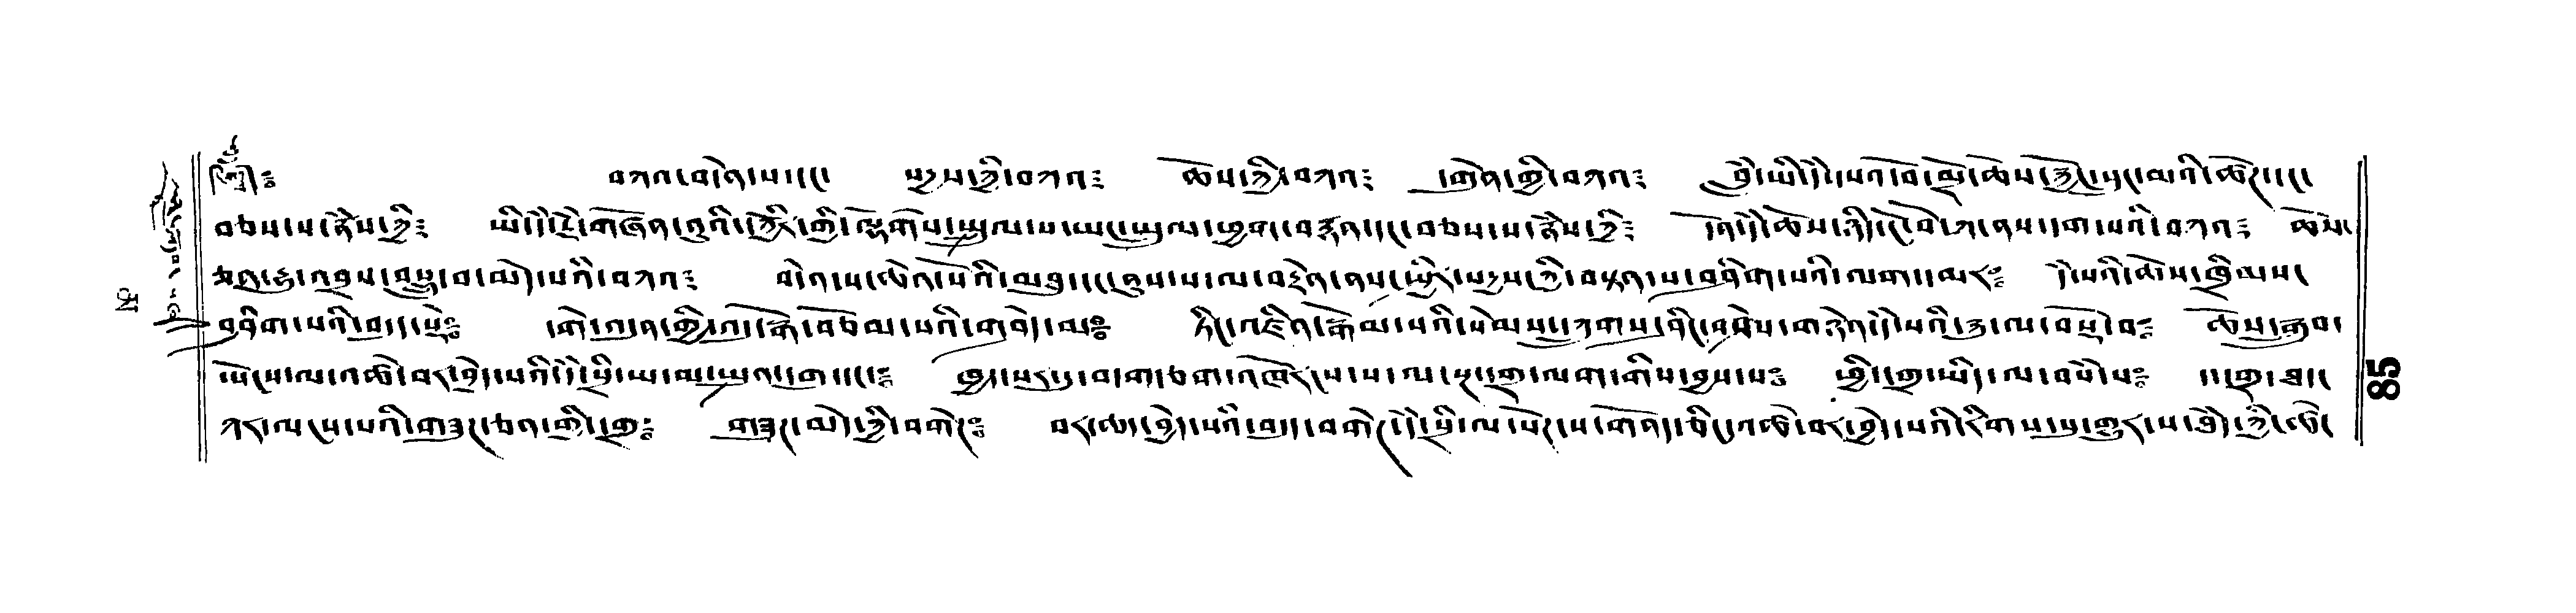བཀའ་བདེན་པ་དང༔ སངས་རྒྱས་ཀྱི་བཀའ༴ ཆོས་ཀྱི་བཀའ༴ དགེ་འདུན་གྱི་བཀའ༴ བླ་མ་ཡི་དམ་དཔའ་བོ་མཁའ་འགྲོ་ཆོས་སྐྱོང་སྲུང་མའི་ཚོགས་
དང་བཅས་པ་རྣམས་ཀྱི༴ ཡི་དམ་རྡོ་རྗེ་གཞོན་ནུའི་དཀྱིལ་འཁོར་གྱི་ལྷ་ཚོགས་སྤྲུལ་པ་ཡང་སྤྲུལ་ཕྱག་བརྙན་དང་བཅས་པ་རྣམས་ཀྱི༴ དོན་དམ་ཆོས་ཉིད་ངོ་བོ་ཀ་ནས་དག་པའི་བཀའ༴ ཆོས་
ཅན་རྒྱུ་འབྲས་བསླུ་བ་མེད་པའི་བཀའ༴ བདེན་པ་ཆེན་པོའི་མཐུ་དང་ནུས་པ་ལ་བརྟེན་ནས་སྤྱིར་སངས་རྒྱས་ཀྱི་བསྟན་པ་བཤིག་པའི་ལག་དམར༔ དམ་པའི་ཆོས་ཁྲིམས་
བཤིག་པའི་བདུད་སྡེ༔ དགེ་འདུན་གྱི་འདུ་སྒོ་བཅོམ་པའི་གཤེད་མ༔ ཏིང་འཛིན་སྒོམ་པའི་སེམས་དཀྲུགས་ཤིང་བཤེས་གཉེན་དམ་པའི་སྐུ་ལ་བསྡོ་བ༔ ཆོས་སྒྲུབ་
ཡོངས་ལ་འཚེ་བར་བྱེད་པའི་དམ་སྲི་ཡ་མ་སྤུན་དགུ་དང༔ ཁྱད་པར་དུ་བདག་ཅག་འཁོར་དང་བཅས་པ་ལ་སྔ་དགྲ་ལག་གིས་བྱས་པ༔ ཕྱི་དགྲ་ཡིད་ལ་བསམ་པ༔ ད་དགྲ་ཐད་
ཀར་ལངས་པའི་གཟུགས་ཅན་གྱི་དགྲ༔ གཟུགས་མེད་ཀྱི་བགེགས༔ བར་ཆད་བྱེད་པའི་བདུད་བགེགས་དམ་སྲི་ལ་སོགས་པ་གནོད་ཅིང་འཚེ་བར་བྱེད་པའི་རིགས་སུ་གྱུར་པ་ཐམས་ཅད་ཀྱི་ཚེ་